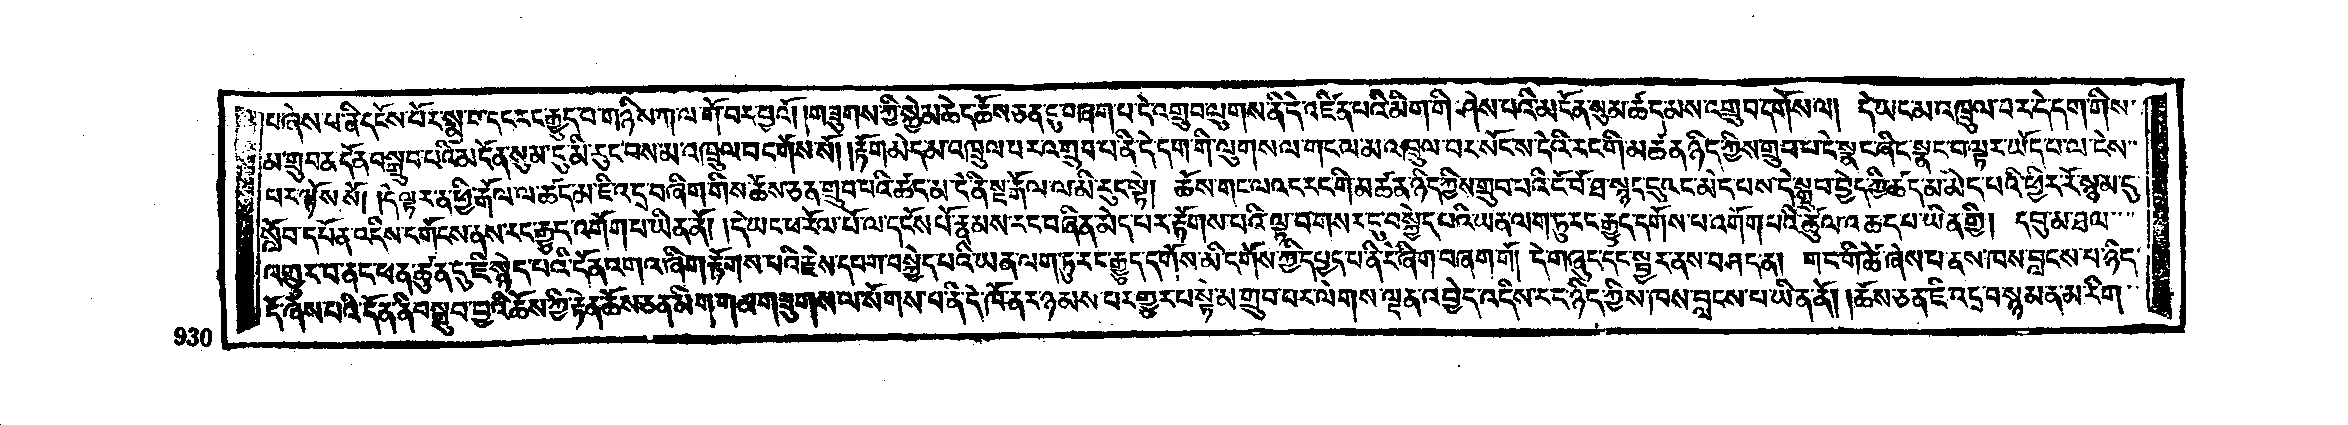བ་ཞེས་པ་ནི་དངོས་པོར་སྨྲ་བ་དང་རང་རྒྱུད་པ་གཉིས་ཀ་ལ་གོ་བར་བྱའོ། །གཟུགས་ཀྱི་སྐྱེ་མཆེད་ཆོས་ཅན་དུ་བཞག་པ་དེ་འགྲུབ་ལུགས་ནི་དེ་འཛིན་པའི་མིག་གི་ཤེས་པའི་མངོན་སུམ་ཚད་མས་འགྲུབ་དགོས་ལ། དེ་ཡང་མ་འཁྲུལ་བར་དེ་དག་གིས་
མ་གྲུབ་ན་དོན་བསྒྲུབ་པའི་མངོན་སུམ་དུ་མི་རུང་བས་མ་འཁྲུལ་བ་དགོས་སོ། །རྟོག་མེད་མ་འཁྲུལ་བར་འགྲུབ་པ་ནི་དེ་དག་གི་ལུགས་ལ་གང་ལ་མ་འཁྲུལ་བར་སོང་ས་དེའི་རང་གི་མཚན་ཉིད་ཀྱིས་གྲུབ་པ་དེ་སྣང་ཞིང་སྣང་བ་ལྟར་ཡོད་པ་ལ་ངེས་
པར་ལྟོས་སོ། །དེ་ལྟར་ན་ཕྱི་རྒོལ་ལ་ཚད་མ་ཇི་འདྲ་བ་ཞིག་གིས་ཆོས་ཅན་གྲུབ་པའི་ཚད་མ་དེ་ནི་སྔ་རྒོལ་ལ་མི་རུང་སྟེ། ཆོས་གང་ལའང་རང་གི་མཚན་ཉིད་ཀྱིས་གྲུབ་པའི་ངོ་བོ་ཐ་སྙད་དུའང་མེད་པས་དེ་སྒྲུབ་བྱེད་ཀྱི་ཚད་མ་མེད་པའི་ཕྱིར་རོ་སྙམ་དུ་
སློབ་དཔོན་འདིས་དགོངས་ནས་རང་རྒྱུད་འགོག་པ་ཡིན་ནོ། །དེ་ཡང་ཕ་རོལ་པོ་ལ་དངོས་པོ་རྣམས་རང་བཞིན་མེད་པར་རྟོགས་པའི་ལྟ་བ་གསར་དུ་བསྐྱེད་པའི་ཡན་ལག་ཏུ་རང་རྒྱུད་དགོས་པ་འགོག་པའི་ཚུལ་འཆད་པ་ཡིན་གྱི། དབུ་མ་ཐལ་
འགྱུར་བ་ནང་ཕན་ཚུན་དུ་ཇི་སྙེད་པའི་དོན་འགའ་ཞིག་རྟོགས་པའི་རྗེས་དཔག་བསྐྱེད་པའི་ཡན་ལག་ཏུ་རང་རྒྱུད་དགོས་མི་དགོས་ཀྱི་དཔྱད་པ་ནི་རེ་ཞིག་བཞག་གོ། །དེ་གཞུང་དང་སྦྱར་ནས་བཤད་ན། གང་གི་ཚེ་ཞེས་པ་ནས་ཁས་བླངས་པ་ཉིད་
དོ་ཞེས་པའི་དོན་ནི་བསྒྲུབ་བྱའི་ཆོས་ཀྱི་རྟེན་ཆོས་ཅན་མིག་གམ་གཟུགས་ལ་སོགས་པ་ནི་དེ་ཁོ་ནར་ཉམས་པར་གྱུར་པ་སྟེ་མ་གྲུབ་པར་ལེགས་ལྡན་འབྱེད་འདིས་རང་ཉིད་ཀྱིས་ཁས་བླངས་པ་ཡིན་ནོ། །ཆོས་ཅན་ཇི་འདྲ་བ་སྙམ་ན་མ་རིག་